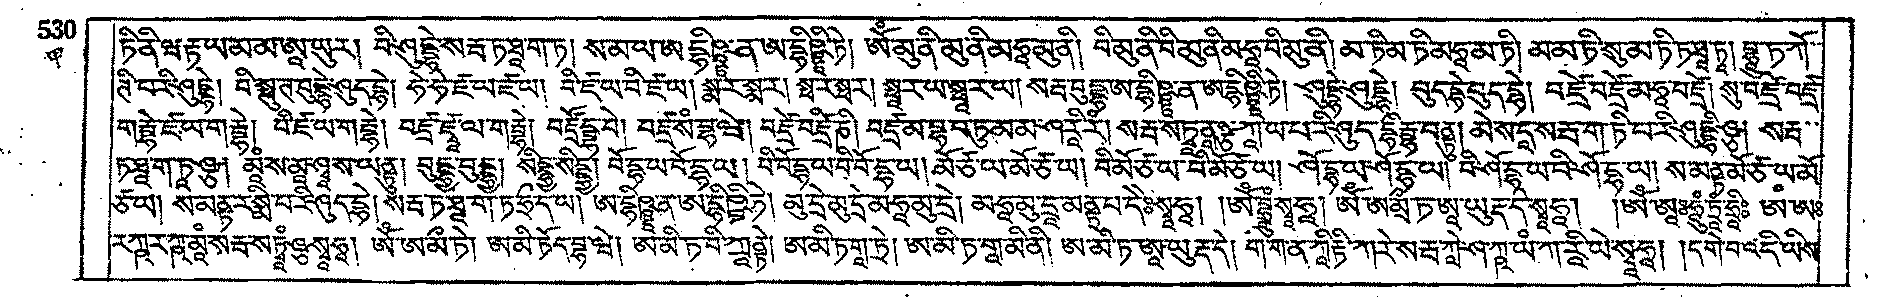ཏི་ནི་ཝརྟ་ཡ་མ་མ་ཨཱ་ཡུར། བི་ཤུདྷེ་སརྦ་ཏ་ཐཱ་ག་ཏ། ས་མ་ཡ་ཨདྷི་ཥཊཿཨཱ་ན་ཡ་དྷིཥཊཿཨྀའི་ཏེ། ཨོཾ་མུ་ནི་མུ་ནི་མཧཱ་མུ་ནི། བི་མུ་ནི་བི་མུ་ནི་མཧཱ་བི་མུ་ནི། མ་ཏི་མ་ཏི་མཧཱ་མ་ཏི། མ་མ་ཏི་སུ་མ་ཏི་ཏ་ཐཱ་ཏཱ། བྷཱུ་ཏ་ཀོ་
ཊི་པ་རི་ཤུདྷེ། བི་སྤུ་ཊ་བུདྷེ་ཤུད་དྷེ། ཧེ་ཧེ་ཛ་ཡ་ཛ་ཡ། བི་ཛ་ཡ་བི་ཛ་ཡ། སྨ་ར་སྨ་ར། སྥ་ར་སྥ་ར། སྥཱ་ར་ཡ་སྥཱ་ར་ཡ། སརྦ་བུདྷ་ཨ་དྷིཥཊཿཨཱ་ན་ཨ་དྷིཥཊཿཨྀའི་ཏེ། ཤུདྷེ་ཤུདྷེ། བུད་དྷེ་བུད་དྷེ། བཛྲེ་བཛྲེ་མཧཱ་བཛྲེ། སུ་བཛྲེ་བཛྲ་
གརྦྷེ་ཛ་ཡ་གརྦྷེ། བི་ཛ་ཡ་གརྦྷེ། བཛྲ་ཛྭཱ་ལ་གརྦྷེ། བཛྲོ་དབྷ་བེ། བཛྲ་སཾ་བྷ་ཝེ། བཛྲེ་བཛྲི་ཎི། བཛྲ་མ་བྷ་བ་ཏུ་མ་མ་ཤ་རཱི་རཾ། སརྦ་སཏྭཱ་ནཱ་ཉྩ་ཀཱ་ཡ་པ་རི་ཤུད་དྷིརྦྷ་བནྟུ། མེ་ས་དཱ་སརྦ་ག་ཏི་པ་རི་ཤུདྷི་ཤྩ། སརྦ་
ཏ་ཐཱ་ག་ཏཱ་ཤྩ། མཱཾ་ས་མཱ་ཤྭཱ་ས་ཡནྟུ། བུདྷྱ་བུདྷྱ། སིདྡྷྱ་སིདྡྷྱ། བོ་དྷ་ཡ་བོ་དྷ་ཡ། བི་བོ་དྷ་ཡ་བི་བོ་དྷ་ཡ། མོ་ཙ་ཡ་མོ་ཙ་ཡ། བི་མོ་ཙ་ཡ་བི་མོ་ཙ་ཡ། ཤོ་དྷ་ཡ་ཤོ་དྷ་ཡ། བི་ཤོ་དྷ་ཡ་བི་ཤོ་དྷ་ཡ། ས་མནྟ་མོ་ཙ་ཡ་མོ་
ཙ་ཡ། ས་མནྟ་ར་སྨི་པ་རི་ཤུད་དྷེ། སརྦ་ཏ་ཐའ་ག་ཏ་ཧྲྀ་ད་ཡ། ཨ་དྷིཥཊཿཨཱ་ན་ཨ་དྷིཥཊཿཨི་ཏེ། མུ་དྲེ་མུ་དྲེ་མཧཱ་མུ་དྲེ། མཧཱ་མུ་དྲཱ་མནྟ་པ་དཻཿསྭཱཧཱ། །ཨོཾ་བྷྲཱུཾ་སྭཱཧཱ། ཨོཾ་ཨ་མྲྀ་ཏ་ཨཱ་ཡུརྡ་དེ་སྭཱཧཱ། །ཨོཾ་ཨཱཿཧཱུཾ་ཏྲཱཾ་ཧྲཱིཿ ཨཾ་ཨཿ
རཀྵ་རཀྵ་མཱཾ་སརྦ་སཏྭཱཾཤྕ་སྭཱཧཱ། ཨོཾ་ཨ་མྀ་ཏེ། ཨ་མི་ཏོད་བྷ་ཝེ། ཨ་མི་ཏ་བི་ཀྲཱནྟེ། ཨ་མི་ཏ་གཱ་ཏྲེ། ཨ་མི་ཏ་གཱ་མི་ནི། ཨ་མི་ཏ་ཨཱ་ཡུརྡ་དེ། ག་ག་ན་ཀཱི་རྟི་ཀ་རེ་སརྦ་ཀླེ་ཤ་ཀྵ་ཡཾ་ཀ་རཱི་ཡེ་སྭཱཧཱ། །དགེ་བ་འདི་ཡིས་